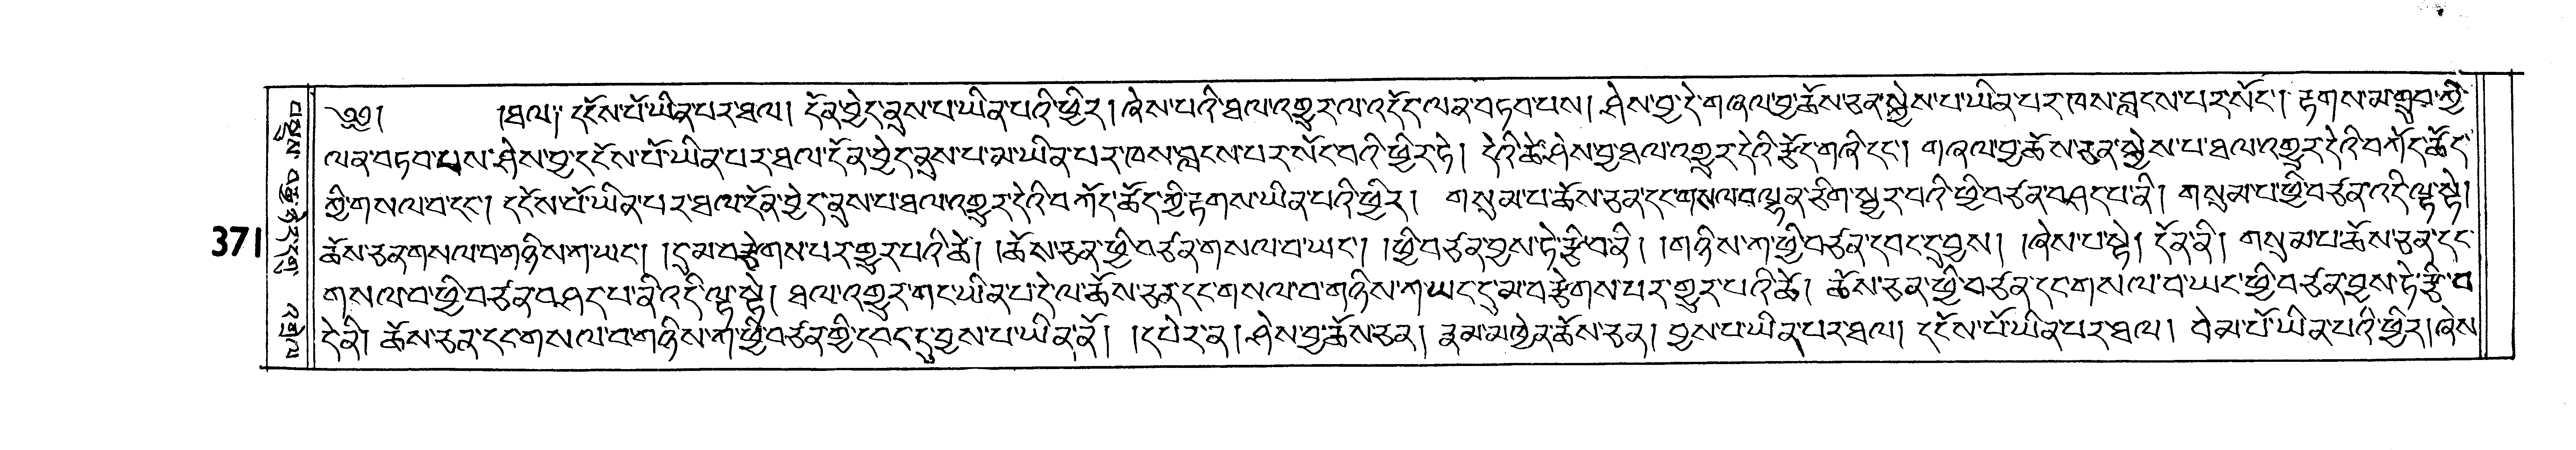༄༅། །ཐལ༑ དངོས་པོ་ཡིན་པར་ཐལ། དོན་བྱེད་ནུས་པ་ཡིན་པའི་ཕྱིར། ཞེས་པའི་ཐལ་འགྱུར་ལ་འདོད་ལན་བཏབ་པས། ཤེས་བྱ་དེ་གཞལ་བྱ་ཆོས་ཅན་སྐྱེས་པ་ཡིན་པར་ཁས་བླངས་པར་སོང་། རྟགས་མ་གྲུབ་ཀྱི་
ལན་བཏབ་པས་ཤེས་བྱ་དངོས་པོ་ཡིན་པར་ཐལ་དོན་བྱེད་ནུས་པ་མ་ཡིན་པར་ཁས་བླངས་པར་སོང་བའི་ཕྱིར་ཏེ། དེའི་ཚེ་ཤེས་བྱ་ཐལ་འགྱུར་དེའི་རྩོད་གཞི་དང་། གཞལ་བྱ་ཆོས་ཅན་སྐྱེས་པ་ཐལ་འགྱུར་དེའི་བཀོད་ཚོད་
ཀྱི་གསལ་བ་དང་། དངོས་པོ་ཡིན་པར་ཐལ་དོན་བྱེད་ནུས་པ་ཐལ་འགྱུར་དེའི་བཀོད་ཚོད་ཀྱི་རྟགས་ཡིན་པའི་ཕྱིར། གསུམ་པ་ཆོས་ཅན་དང་གསལ་བ་ལྟན་ཅིག་སྦྱར་བའི་ཕྱིར་བཙན་བཤད་པ་ཡིན། གསུམ་པ་ཕྱི་བཙན་འདི་ལྟ་སྟེ།
ཆོས་ཅན་གསལ་བ་གཉིས་ཀ་ཡང་། །དུ་མ་བརྩེགས་པར་གྱུར་པའི་ཚེ། །ཆོས་ཅན་ཕྱི་བཙན་གསལ་བ་ཡང་། །ཕྱི་བཙན་བྱས་ཏེ་རྩི་བ་ནི། །གཉིས་ཀ་ཕྱི་བཙན་དབང་དུ་བྱས། །ཞེས་པ་སྟེ། དོན་ནི། གསུམ་པ་ཆོས་ཅན་དང་
གསལ་བ་ཕྱི་བཙན་བཤད་པ་ནི་འདི་ལྟ་སྟེ། ཐལ་འགྱུར་གང་ཡིན་པ་དེ་ལ་ཆོས་ཅན་དང་གསལ་བ་གཉིས་ཀ་ཡང་དུ་མ་བརྩེགས་པར་གྱུར་པའི་ཚེ། ཆོས་ཅན་ཕྱི་བཙན་དང་གསལ་བ་ཡང་ཕྱི་བཙན་བྱས་ཏེ་རྩི་བ་
དེ་ནི། ཆོས་ཅན་དང་གསལ་བ་གཉིས་ཀ་ཕྱི་བཙན་གྱི་དབང་དུ་བྱས་པ་ཡིན་ནོ། །དཔེར་ན། ཤེས་བྱ་ཆོས་ཅན། རྣམ་མཁྱེན་ཆོས་ཅན། བྱས་པ་ཡིན་པར་ཐལ། དངོས་པོ་ཡིན་པར་ཐལ། བེམ་པོ་ཡིན་པའི་ཕྱིར། ཞེས་